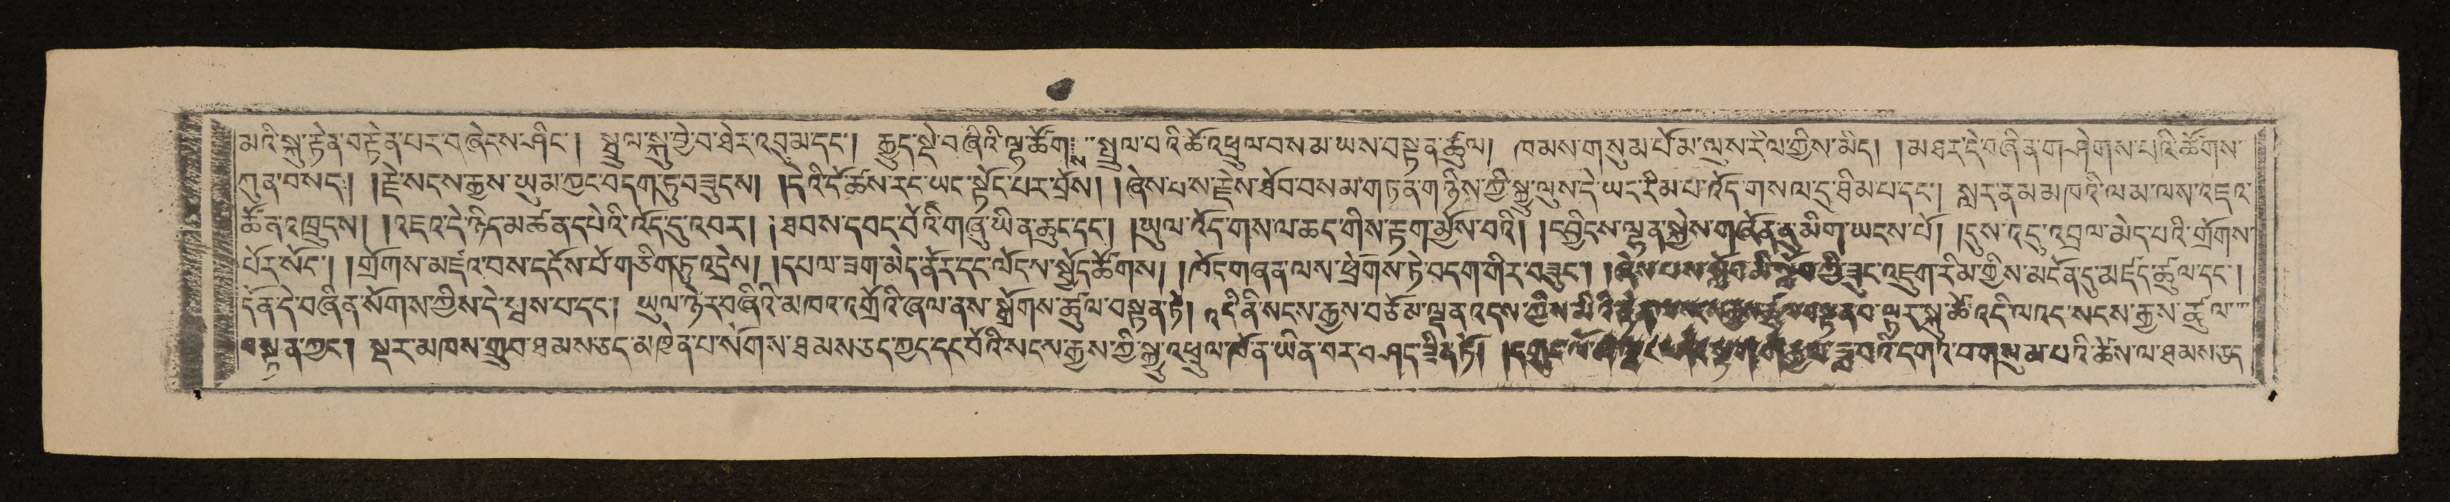མའི་སྐུ་རྟེན་བརྟེན་པར་བཞེངས་ཤིང་། སྤྲུལ་སྐུ་བྱེ་བ་ཐེར་འབུམ་དང་། རྒྱུད་སྡེ་བཞིའི་ལྷ་ཚོགས་སྤྲུལ་པའི་ཆོ་འཕྲུལ་བསམ་ཡས་བསྟན་ཚུལ། ཁམས་གསུམ་པོ་མ་ལུས་རིལ་གྱིས་མིད། །མཐར་དེ་བཞིན་གཤེགས་པའི་ཚོགས་
ཀུན་བསད། །རྗེ་སངས་རྒྱས་ཡུམ་ཀྱང་བདག་ཏུ་བཟུངས། །དེའི་ངོ་ཚས་རང་ཡང་སྟོང་བར་བྲོས། །ཞེས་པས་རྗེས་ཐོབ་བསམ་གཏན་གཉིས་ཀྱི་སྒྱུ་ལུས་དེ་ཡང་རིམ་པ་འོད་གསལ་དུ་ཐིམ་པ་དང་། སླར་ནམ་མཁའི་ལམ་ལས་འཇའ་
ཚོན་འཁྲུངས། །འཇའ་དེ་ཉིད་མཚན་དཔེའི་འོད་དུ་འབར། །ཐབས་དབང་པོའི་གཞུ་ཡིན་ཆུང་དང་། །ཡུལ་འོད་གསལ་ཆང་གིས་རྟག་མྱོས་པའི། །དབྱིངས་ལྷན་སྐྱེས་གཞོན་ནུ་མིག་ཡངས་པོ། །དུས་འདུ་འབྲལ་མེད་པའི་གྲོགས་
པོར་སོང་། །གྲོགས་མཛའ་བས་དངོས་པོ་གཅིག་ཏུ་འདྲེས། །དཔལ་ཟག་མེད་ནོར་དང་ལོངས་སྤྱོད་ཚོགས། །ཁོང་གཞན་ལས་ཕྲོགས་ཏེ་བདག་གིར་བཟུང་། །ཞེས་པས་སློབ་མི་སློབ་ཀྱི་ཟུང་འཇུག་རིམ་གྱིས་མངོན་དུ་མཛད་ཚུལ་དང་།
དོན་དེ་བཞིན་སོགས་ཀྱིས་དེ་སྦས་པ་དང་། ཡུལ་ཉེར་བཞིའི་མཁའ་འགྲོའི་ཞལ་ནས་སྒྲོགས་ཚུལ་བསྟན་ཏེ། འདི་ནི་སངས་རྒྱས་བཅོམ་ལྡན་འདས་ཀྱིས་མིའི་རྟེན་ལ་སངས་རྒྱས་ཚུལ་བསྟན་པ་ལྟར་སྐུ་ཚེ་འདི་ལའང་སངས་རྒྱས་ཚུལ་
བསྟན་ཀྱང་། སྔར་མཁས་གྲུབ་ཐམས་ཅད་མཁྱེན་པ་སོགས་ཐམས་ཅད་ཀྱང་དང་པོའི་སངས་རྒྱས་ཀྱི་སྒྱུ་འཕྲུལ་ཁོ་ན་ཡིན་པར་བཤད་ཟིན་ཏོ། །དགུང་ལོ་ཞེ་ལྔ་བ་ཤིང་སྟག་གི་རྒྱལ་ཟླ་བའི་དགའ་བ་གསུམ་པའི་ཆོས་ལ་ཐམས་ཅད་